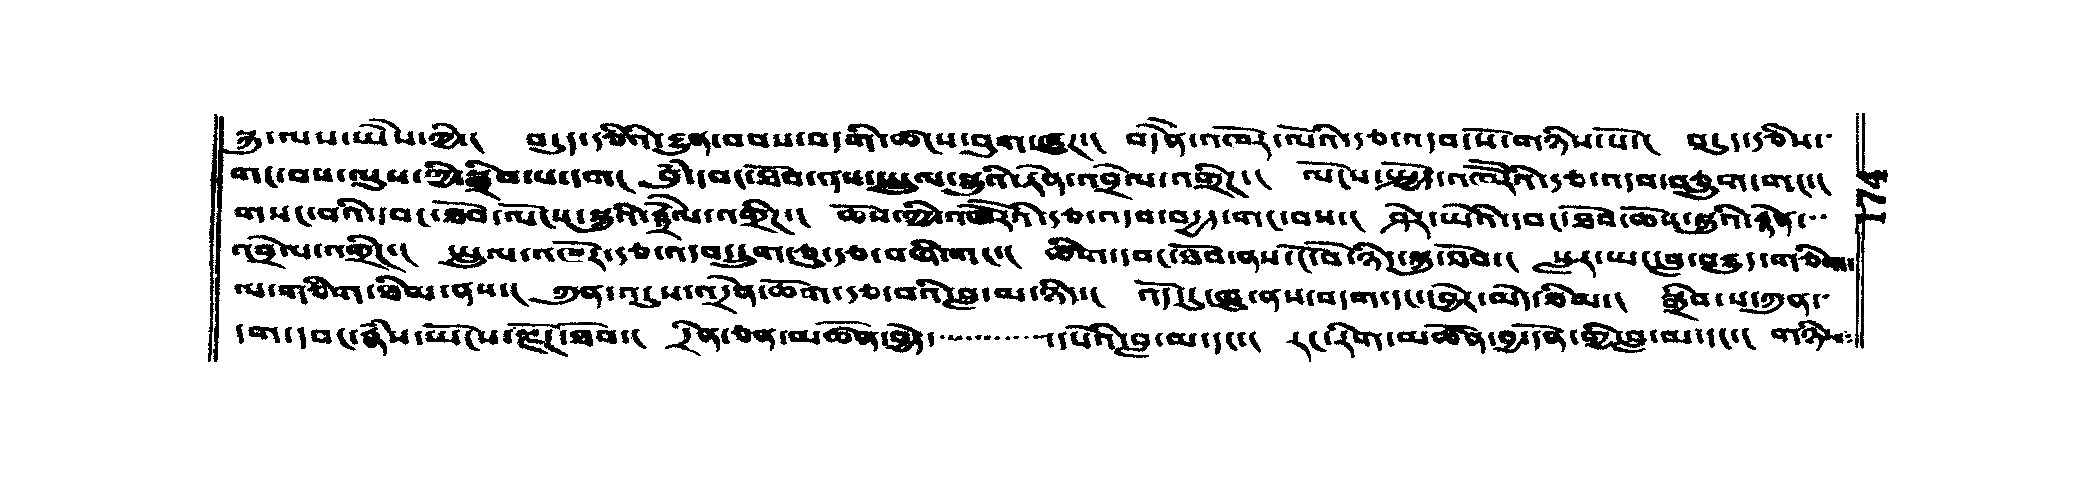སྐུ་ལས་ཡེ་ཤེས་ཀྱི། །བདུད་རྩིའི་རྒྱུན་བབས་བདག་གི་ཚངས་བུག་ཞུགས། །བདེ་ཆེན་འཁོར་ལོའི་རྩ་འདབ་སོ་གཉིས་པོ། །བདུད་རྩིས་
གང་བས་ལུས་ཀྱི་སྒྲིབ་པ་དག །བུམ་དབང་ཐོབ་ནས་སྤྲུལ་སྐུའི་རྟེན་འབྲེལ་འགྲིགས། །ལོངས་སྤྱོད་འཁོར་ལོའི་རྩ་འདབ་བཅུ་དྲུག་གང་། །
གསང་བའི་དབང་ཐོབ་ལོངས་སྐུའི་རྟེན་འབྲེལ་འགྲིགས། །ཆོས་ཀྱི་འཁོར་ལོའི་རྩ་འདབ་བརྒྱད་གང་བས། །ཤེར་ཡེའི་དབང་ཐོབ་ཆོས་སྐུའི་རྟེན་
འབྲེལ་འགྲིགས། །སྤྲུལ་འཁོར་རྩ་འདབ་དྲུག་ཅུ་རྩ་བཞི་གང་། །ཚིག་དབང་ཐོབ་ནས་ངོ་བོ་ཉིད་སྐུ་ཐོབ། །སླར་ཡང་བླ་བརྒྱུད་གཅིག་
ལ་གཅིག་ཐིམ་ནས། །ཀུན་འདུས་འདྲེན་མཆོག་རྩ་བའི་བླ་མ་ཉིད། །འོད་དུ་ཞུ་ནས་བདག་དང་དབྱེར་མེད་ཐིམ། །སྒྲིབ་པ་ཀུན་
དག་དབང་རྣམས་ཡོངས་རྫོགས་ཐོབ། །དྲིན་ཅན་མཚོན་བྱེད་དཔེ་ཡི་བླ་མ་དང་། །རང་རིག་མཚོན་བྱ་དོན་གྱི་བླ་མ་དང་། །གཉིས་